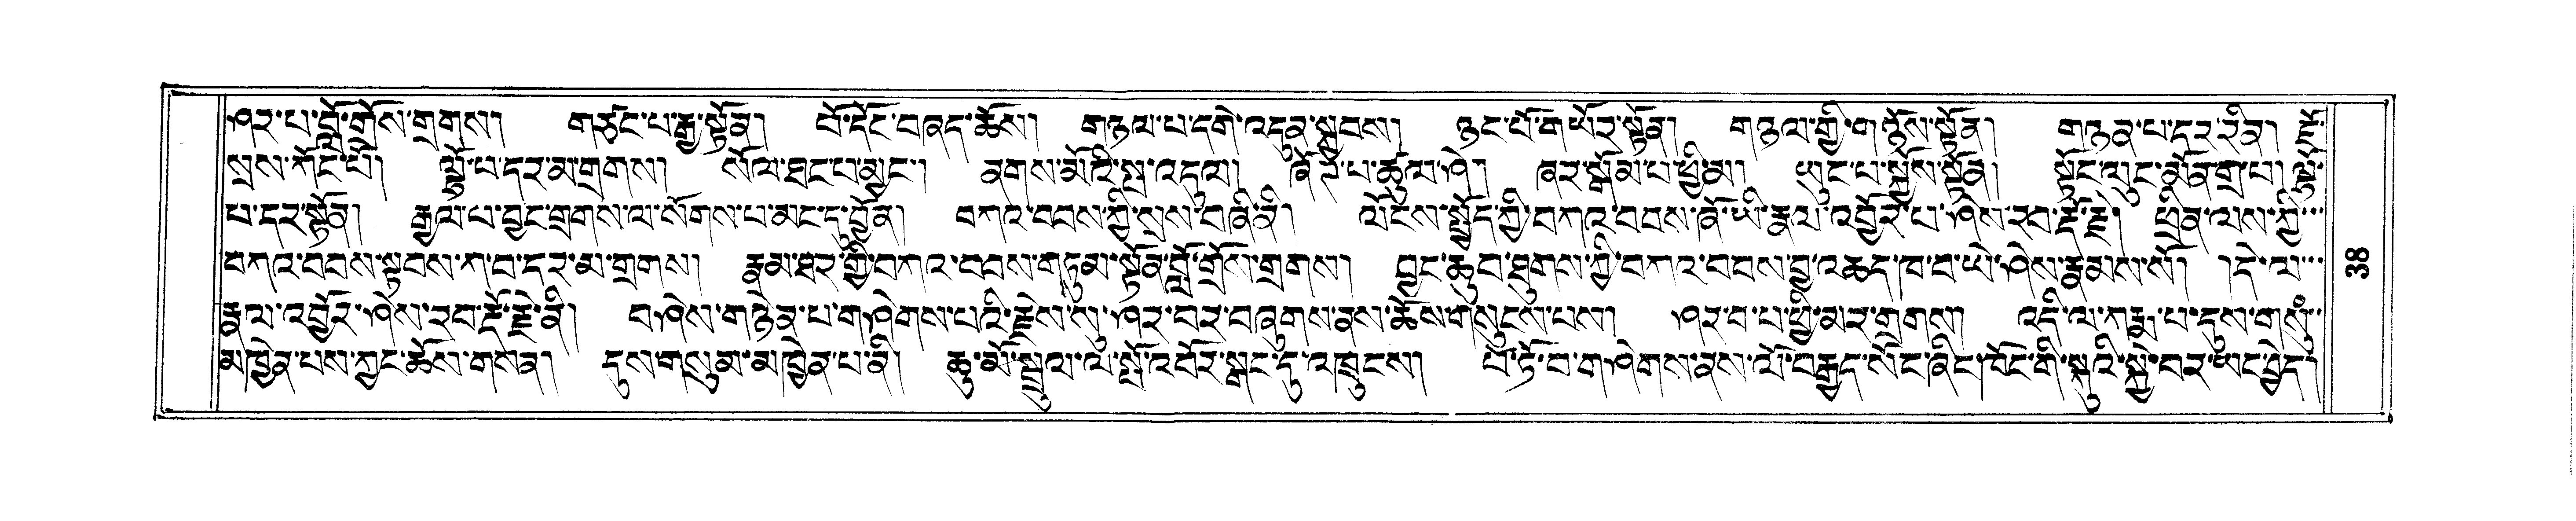ཤར་པ་བློ་གྲོས་གྲགས། གཙང་པ་རྒྱ་སྟོན། བོ་དོང་བཞད་ཆོས། གཉལ་པ་དགེ་འདུན་སྐྱབས། ཉང་པོ་གཡོར་སྟོན། གཉལ་གྱི་གཉོས་སྟོན། གཉན་པ་དར་རིན། ཇོ་
སྲས་ཀོང་པོ། ལྷོ་པ་དར་མ་གྲགས། སོལ་ཐང་པ་མྱང་། ནགས་མོའི་སྤ་འདུལ། ཞོཌ་པ་ཚུལ་ཤེ། ཞར་སྒོམ་པ་ཕྱི་མ། ཡུང་པ་སྐྱོས་སྟོན། སྟོང་ལུང་མོན་གྲ་པ། ལྷོ་
པ་དར་སྟོན། རྒྱལ་པ་བྱང་གྲགས་ལ་སོགས་པ་མང་དུ་བྱོན། བཀའ་བབས་ཀྱི་སྲས་བཞི་ནི། ལོངས་སྤྱོད་ཀྱི་བཀའ་བབས་ཞོ་ཡི་རྣལ་འབྱོར་པ་ཤེས་རབ་རྡོ་རྗེ། ཕྲིན་ལས་ཀྱི་
བཀའ་བབས་སྟབས་ཀ་བ་དར་མ་གྲགས། རྣམ་ཐར་གྱི་བཀའ་བབས་གཏུམ་སྟོན་བློ་གྲོས་གྲགས། བྱང་ཆུབ་ཐུགས་ཀྱི་བཀའ་བབས་བྱ་འཆད་ཁ་བ་ཡེ་ཤེས་རྣམས་སོ། །དེ་ལ་
རྣལ་འབྱོར་ཤེས་རབ་རྡོ་རྗེ་ནི། བཤེས་གཉེན་པ་གཤེགས་པའི་རྗེས་སུ་ཤར་བར་བཞུགས་ནས་ཆོས་གསུངས་པས། ཤར་བ་པ་ཕྱི་མར་གྲགས། འདི་ལ་ཀརྨ་པ་དུས་གསུཾ་
མཁྱེན་པས་ཀྱང་ཆོས་གསན། དུས་གསུམ་མཁྱེན་པ་ནི། ཆུ་མོ་སྦྲུལ་ལ་སྤོ་འབོར་སྒང་དུ་འཁྲུངས། པ་ཏོ་བ་གཤེགས་ནས་ལོ་བརྒྱད་སོང་ཞིང་ཁོང་གི་སྐུའི་སྐྱེ་བར་ཡང་བྱེད།